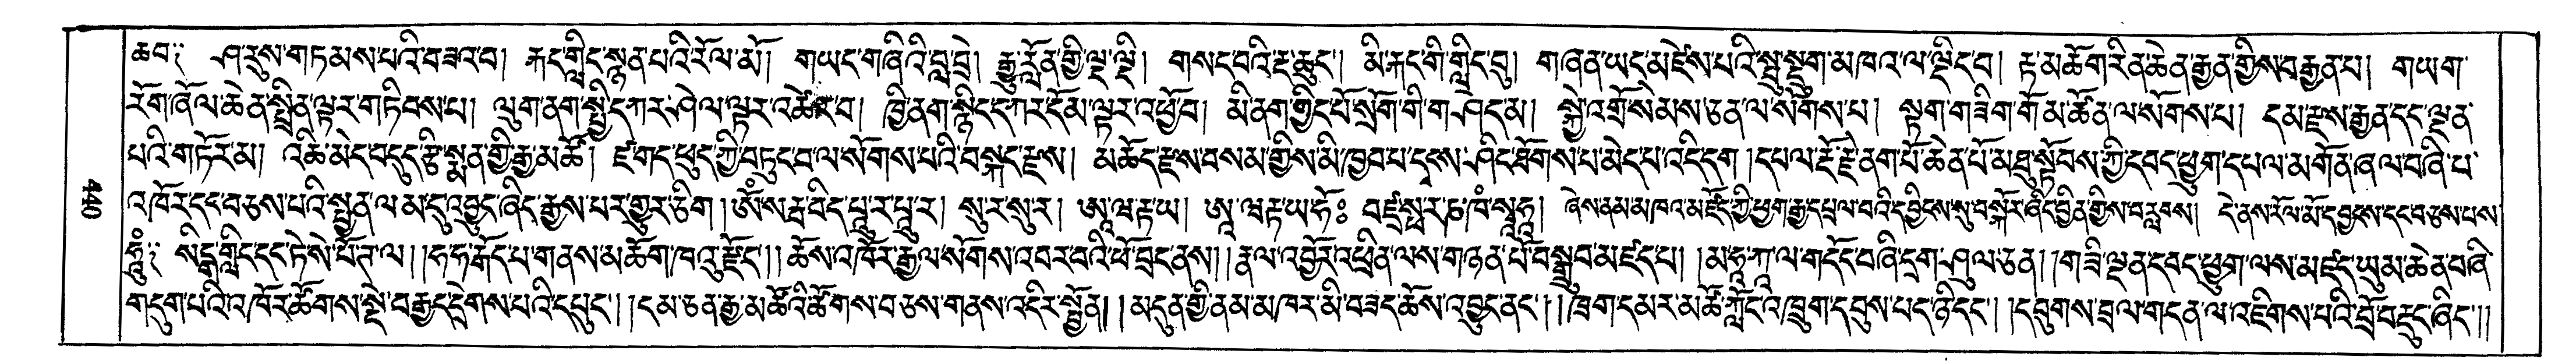ཆབ༑ ཤ་རུས་གཏམས་པའི་བཟའ་བ། རྐང་གླིང་སྙན་པའི་རོལ་མོ། གཡང་གཞིའི་བླ་བྲེ། རྒྱུ་རློན་གྱི་ལྡ་ལྡི། གསང་བའི་རྔ་ཆུང་། མི་རྐང་གི་གླིང་བུ། གཞན་ཡང་མཛེས་པའི་སྤུ་སྡུག་མཁའ་ལ་ལྡིང་བ། རྟ་མཆོག་རིན་ཆེན་རྒྱན་གྱིས་བརྒྱན་པ། གཡག་
རོག་ཞོལ་ཆེན་སྤྲིན་ལྟར་གཏིབས་པ། ལུག་ནག་སྤྱི་དཀར་ཤེལ་ལྟར་འཚེར་བ། ཁྱི་ནག་སྙིང་དཀར་དོམ་ལྟར་འཕྱོ་བ། མི་ནག་གྱིང་པོ་སྲོག་གི་གཤེད་མ། སྐྱེ་འགྲོ་སེམས་ཅན་ལ་སོགས་པ། སྟག་གཟིག་གོ་མཚོན་ལ་སོགས་པ། དམ་རྫ་ས་རྒྱན་དང་ལྡན་
པའི་གཏོར་མ། འཆི་མེད་བདུད་རྩི་སྨན་གྱི་རྒྱ་མཚོ། ཛ་གད་ཕུད་ཀྱི་བཏུང་བ་ལ་སོགས་པའི་བསྐང་རྫས། མཆོད་རྫས་བསམ་གྱིས་མི་ཁྱབ་པ་དྭངས་ཤིང་ཐོགས་པ་མེད་པ་འདི་དག །དཔལ་རྡོ་རྗེ་ནག་པོ་ཆེན་པོ་མཐུ་སྟོབས་ཀྱི་དབང་ཕྱུག་དཔལ་མགོན་ཞལ་བཞི་པ་
འཁོར་དང་བཅས་པའི་སྤྱན་ལམ་དུ་འབྱུང་ཞིང་རྒྱས་པར་གྱུར་ཅིག །ཨོཾ་སརྦ་བིད་པཱུ་ར་པཱུ་ར། སུ་ར་སུ་ར། ཨཱ་ཝ་རྟ་ཡ། ཨཱ་ཝརྟ་ཡ་ཧོཿ བཛྲ་སྥར་ཎ་ཁཾ་སྭཱཧཱ། ཞེས་ནམ་མཁའ་མཛོད་ཀྱི་ཕྱག་རྒྱ་དཔྲལ་བའི་དབྱིངས་སུ་བསྐོར་ཞིང་བྱིན་གྱིས་བརླབས། དེ་ནས་རོལ་མོ་དབྱངས་དང་བཅས་པས་
ཧཱུཾ༑ སིངྒི་གླིང་དང་ཏེ་སེ་པོ་ཊ་ལ། །ཧ་ཧ་རྒོད་པ་གནས་མཆོག་ཁའུ་རྫོང་། །ཆོས་འཁོར་རྒྱལ་སོགས་འབར་བའི་ཕོ་བྲང་ནས། །རྣལ་འབྱོར་འཕྲིན་ལས་གཉན་པོ་བསྒྲུབ་མཛད་པ། །མཧཱ་ཀཱ་ལ་གདོང་བཞི་དྲག་ཤུལ་ཅན། །གཟི་ལྡན་དབང་ཕྱུག་ལས་མཛད་ཡུམ་ཆེན་བཞི་
གདུག་པའི་འཁོར་ཚོགས་སྡེ་བརྒྱད་དྲེགས་པའི་དཔུང་། །དམ་ཅན་རྒྱ་མཚོའི་ཚོགས་བཅས་གནས་འདིར་སྤྱོན། །མདུན་གྱི་ནམ་མཁར་མི་བཟད་ཆོས་འབྱུང་ནང་། །ཁྲག་དམར་མཚོ་ཀློང་འཁྲུག་དབུས་པད་ཉི་དང་། །དབུགས་བྲལ་གདན་ལ་འཇིགས་པའི་བྲོ་བ་རྡུང་ཞིང་། །